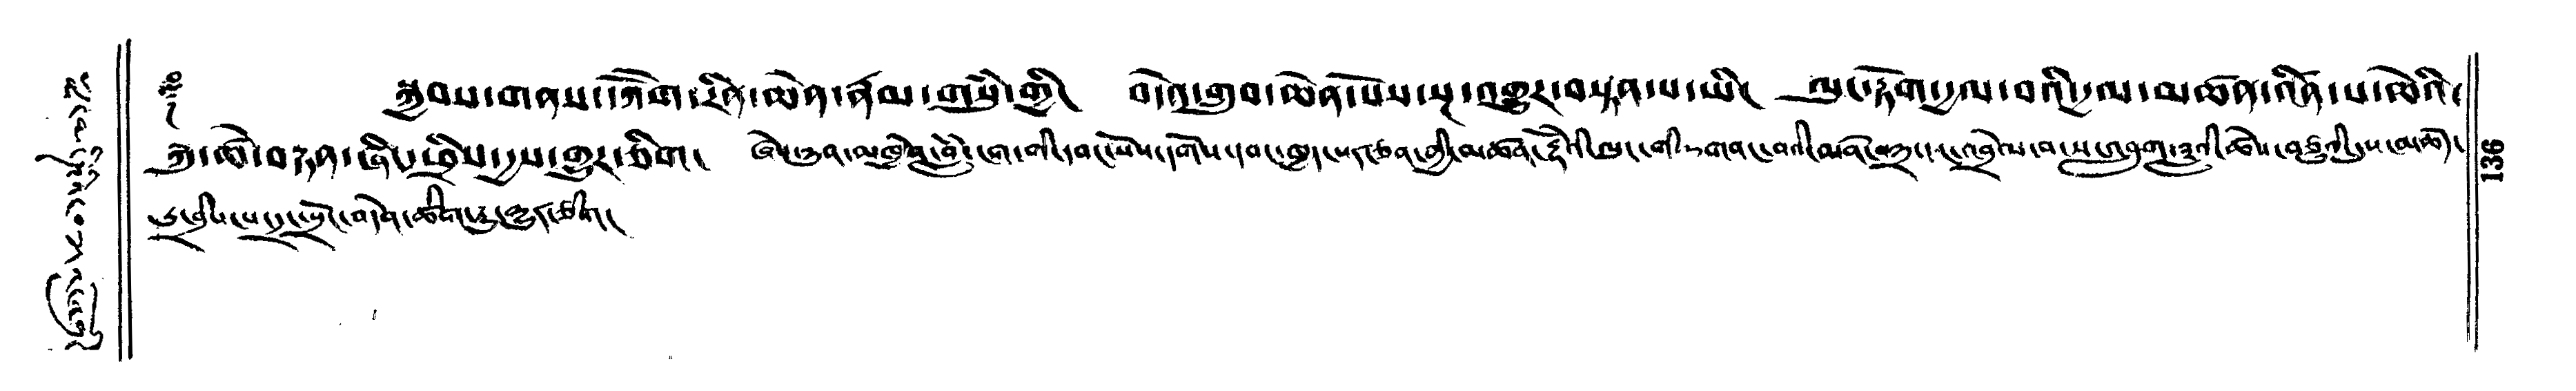༈ སྐྱབས་གནས་དཀོན་མཆོག་རིན་ཆེན་རྣམ་གསུམ་གྱི། །བདེན་གྲུབ་ཆེན་པོས་སྔ་འགྱུར་བསྟན་པ་ཡི། །ལུང་རྟོགས་རྒྱལ་བའི་རྒྱལ་མཚན་འཛིན་པ་ཆེའི། །
སྐུ་ཚེ་བརྟན་ཞིང་ཕྲིན་ལས་རྒྱས་གྱུར་ཅིག ཞེས་ཀུན་མཁྱེན་བླ་མ་ངག་གི་དབང་པོས་དགོས་དབང་ཁྱད་པར་ཅན་གྱི་མཚན་རྡོ་རྗེའི་ལུང་གིས་གནང་བའི་མཚན་བཀྲ་དང་འབྲེལ་བ་ས་འབྲུག་ཟླ་བའི་ཚེས་བཅུའི་དུས་མཆོད་
དུ་བྲིས་པ་དྲང་སྲོང་གི་བདེན་ཚིག་ཏུ་གྱུར་ཅིག དགེའོ།།